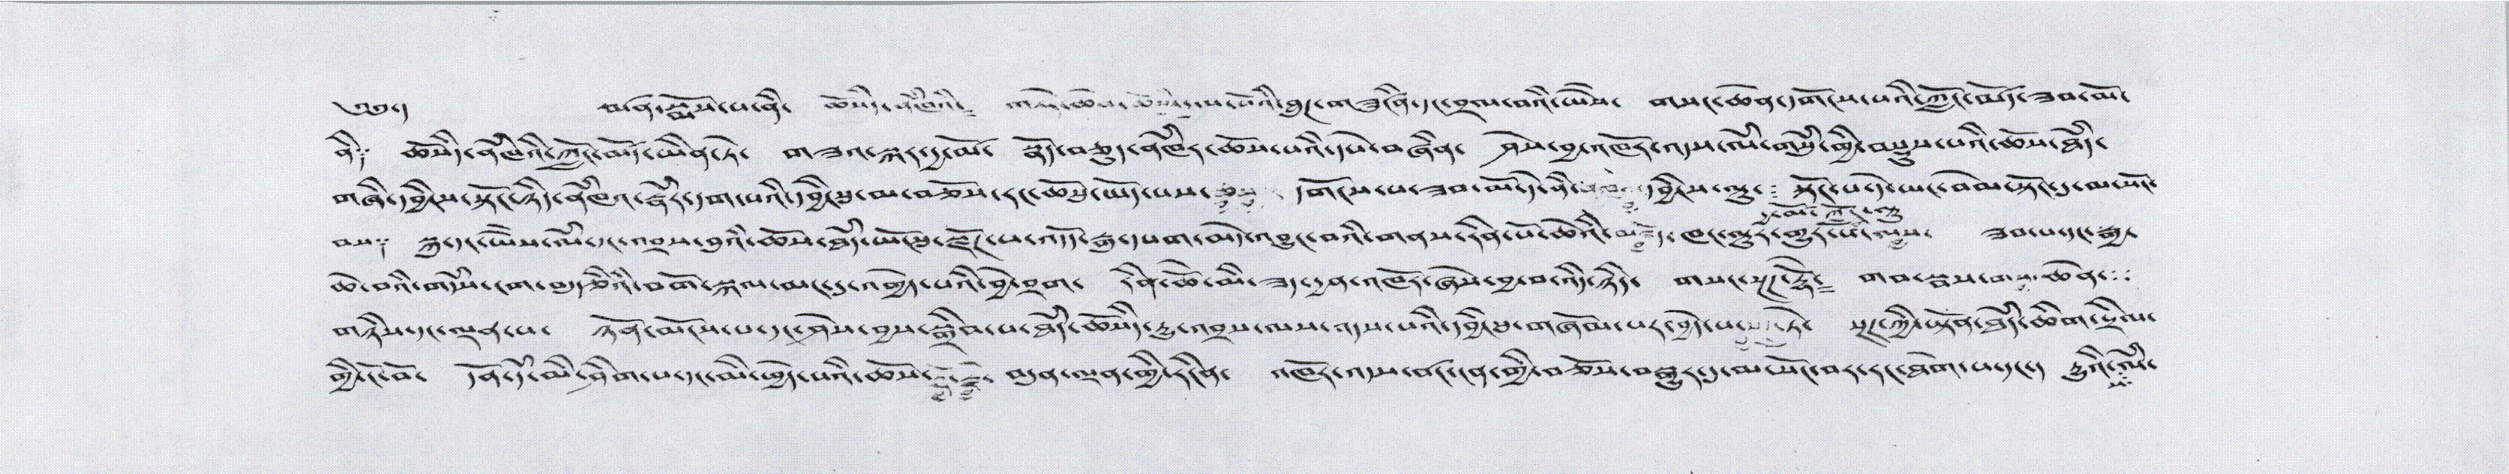མཚན་སྨོས་པ་ནི། ཆོས་ཉིད་ནམ་མཁའི༑ གཏེར་ཆེན་ཆོས་ཀྱི་རྒྱལ་པོའི་ཐུགས་གཟུང་འཛིན་དང་བྲལ་བའི་ཡེ་ཤེས། གསང་ཆེན་དགོངས་པའི་ཀློང་མཛོད་ཟབ་མོ་
ནི། ཆོས་ཉིད་ནམ་མཁའི་ཀློང་མཛོད་ཡིན་ཏེ། གཟའ་སྐར་རྒྱ་མཚོ༑ སྣོད་བཅུད་ནམ་མཁར་ཆོས་པའི་དཔེ་བཞིན། ཤེས་བྱ་འཁོར་འདས་ལམ་གསུམ་གྱིས་བསྡུས་པའི་ཆོས་ཐམས་ཅད་
གཞི་དབྱིངས་སྟོང་ཉིད་ནམ་མཁའ་རྣམ་པར་དག་པའི་དབྱིངས་སུ་མ་བཅོས་རང་ཆོས་སུ་ཡོད་པས་༼ཆོས་སྐུའི་༽དགོངས་པ་ཟབ་མོ་དེ་ནི་མཁའ་དབྱིངས་ལྟ་བུ་རྒྱ་མཚོའི་ཀློང་ལྟ་བུ། སྟོང་པ་དེ་ཡང་བེམ་སྟོང་དུ་མ་སོང་
བས་སྐུ་དང་ཡེ་ཤེས་ལམ་དང་འབྲས་བུའི་ཆོས་ཐམས་ཅད་ཡོངས་སུ་རྫོགས་པ་འདོད་དགུ་དཔག་མེད་འབྱུང་བའི་གནས་རིན་པོ་ཆེའི་མཛོད་ཁང་ལྟ་བུར་གྱུར་པ་ལས། ཟབ་པ་དང་རྒྱ་
ཆེ་བའི་གདམས་ངག་བདུད་རྩིའི་བགོ་སྐལ་མང་དུ་འགྱེད་པའི་བྱེ་བྲག རིན་པོ་ཆེ་མི་བཟད་རྒྱན་འཁོར་ཞེས་བྱ་བ་འདི་ཉིད། གསང་སྔགས་རྡོ་རྗེ༑ གབ་སྦས་གསང་ཆེན༑ 
གཉིས་དང་ལྡན་པ༑ ཉོན་མོངས་པ་དང་ཤེས་བྱའི་སྒྲིབ་པ་ཐམས་ཅད་ཆོས་ཉིད་རྒྱུ་འབྲས་ལས་འདས་པའི་དབྱིངས་སུ་གཞོམ་པར་བྱེད་པ་སྟེ། སྔགས་ཀྱི་ཡོན་ཏན་ཐམས་ཅད་ཆིག་དྲིལ་
གྱི་ངོ་བོ། དོན་དམ་མི་ཤིག་པ་དང་མི་ཕྱེད་པའི་ཆོས་རྡོ་རྗེ་བདུན་ལྡན་གྱི་རང་བཞིན། འཁོར་འདས་བཟང་ངན་གྱི་བཅོས་སྒྱུར་དུ་མ་སོང་བར་རང་ཐེག་པ་དང་། རྒྱུ་ཡི་ས་ལམ་